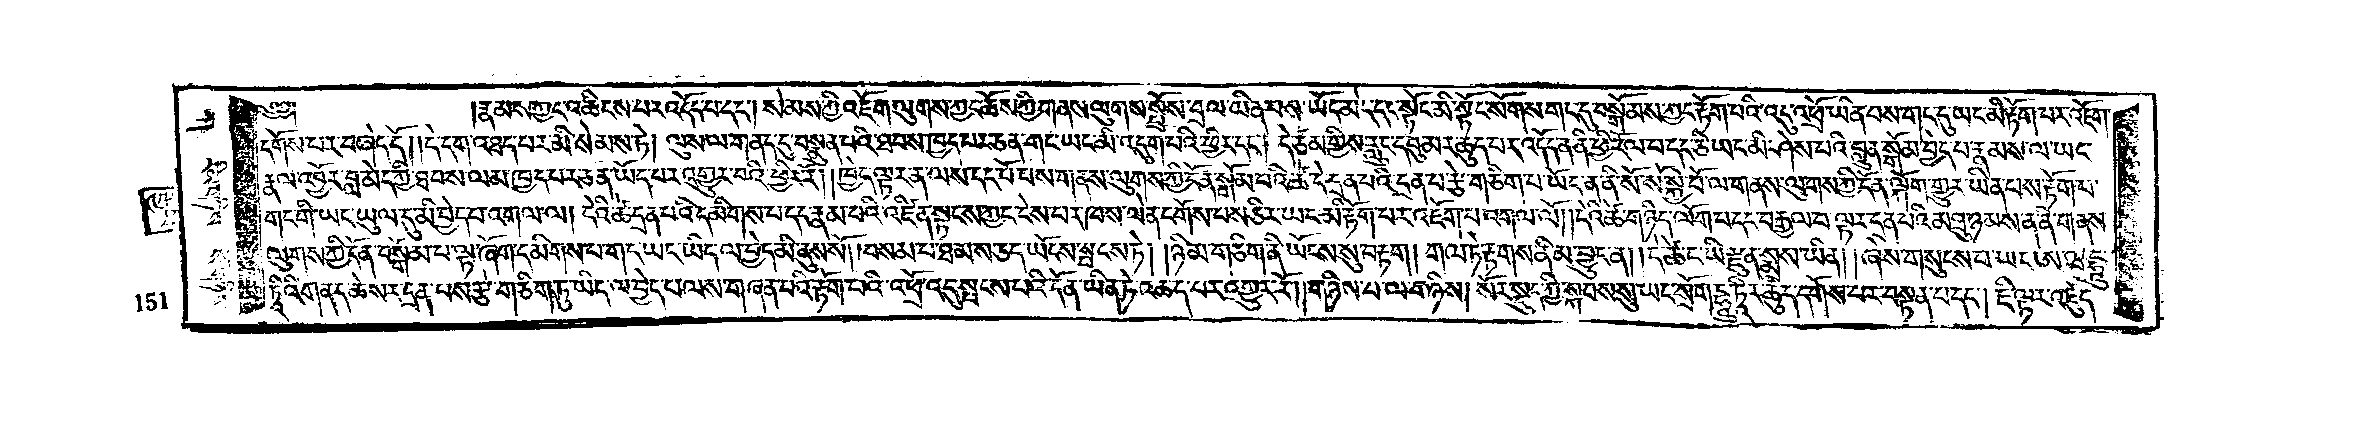༄༅། །རྣམས་ཀྱང་འཆིངས་པར་འདོད་པ་དང་། སེམས་ཀྱི་འཇོག་ལུགས་ཀྱང་ཆོས་ཀྱི་གནས་ལུགས་སྤྲོས་བྲལ་ཡིན་པས་ཡོད་མེད་དང་སྟོང་མི་སྟོང་སོགས་གང་དུ་བསྒོམས་ཀྱང་རྟོག་པའི་འདུ་འཕྲོ་ཡིན་པས་གང་དུ་ཡང་མི་རྟོག་པར་འཇོག་
དགོས་པར་བཞེད་དོ། །དེ་དག་འཐད་པར་མི་སེམས་ཏེ། ལུས་ལ་གནད་དུ་བསྣུན་པའི་ཐབས་ཁྱད་པར་ཅན་གང་ཡང་མི་འདུག་པའི་ཕྱིར་དང་། དེ་ཙམ་གྱིས་རླུང་དབུ་མར་ཆུད་པར་འདོད་ན་ནི་ཕྱི་རོལ་པ་དང་ཅི་ཡང་མི་ཤེས་པའི་བླུན་སྒོམ་བྱེད་པ་རྣམས་ལ་ཡང་
རྣལ་འབྱོར་བླ་མེད་ཀྱི་ཐབས་ལམ་ཁྱད་པར་ཅན་ཡོད་པར་འགྱུར་བའི་ཕྱིར་རོ། །ཁྱེད་ལྟར་ན་ལས་དང་པོ་པས་གནས་ལུགས་ཀྱི་དོན་སྒོམ་པའི་ཚེ་དེ་དྲན་པའི་དྲན་པ་རྩེ་གཅིག་པ་ཡོད་ན་ནི་སོ་སོ་སྐྱེ་བོ་ལ་གནས་ལུགས་ཀྱི་དོན་ལྐོག་གྱུར་ཡིན་པས་རྟོག་པ་
གང་གི་ཡང་ཡུལ་དུ་མི་བྱེད་པ་འགལ་ལ། དེའི་ཚེ་དྲན་པའི་དམིགས་པ་དང་རྣམ་པའི་འཛིན་སྟངས་ཀྱང་ངེས་པར་ཁས་ལེན་དགོས་པས་ཅིར་ཡང་མི་རྟོག་པར་འཇོག་པ་འགལ་ལོ། །དེའི་ཚེ་གཉིད་ལོག་པ་དང་བརྒྱལ་བ་ལྟར་དྲན་པའི་མཐུ་ཉམས་ན་ནི་གནས་
ལུགས་ཀྱི་དོན་བསྒོམ་པ་ལྟ་ཞོག་དམིགས་པ་གང་ཡང་ཡིད་ལ་བྱེད་མི་ནུས་སོ། །བསམ་པ་ཐམས་ཅད་ཡོངས་སྤངས་ཏེ། །ཉི་མ་གཅིག་ནི་ཡོངས་སུ་བརྟག །གལ་ཏེ་རྟགས་ནི་མ་བྱུང་ན། །དེ་ཚེ་ང་ཡི་རྫུན་སྨྲས་ཡིན། །ཞེས་གསུངས་པ་ཡང་ཨ་ཝ་དྷཱུ་
ཏཱིའི་གནད་ཆེ་སར་དྲན་པས་རྩེ་གཅིག་ཏུ་ཡིད་ལ་བྱེད་པ་ལས་གཞན་པའི་རྟོག་པའི་འཕྲོ་འདུ་སྤངས་པའི་དོན་ཡིན་ཏེ་འཆད་པར་འགྱུར་རོ། །གཉིས་པ་ལ་གཉིས། སོར་སྡུད་ཀྱི་སྐབས་སུ་ཡང་སྲོག་དྷཱུ་ཏཱིར་ཆུད་དགོས་པར་བསྟན་པ་དང་། ཇི་ལྟར་འཛུད་